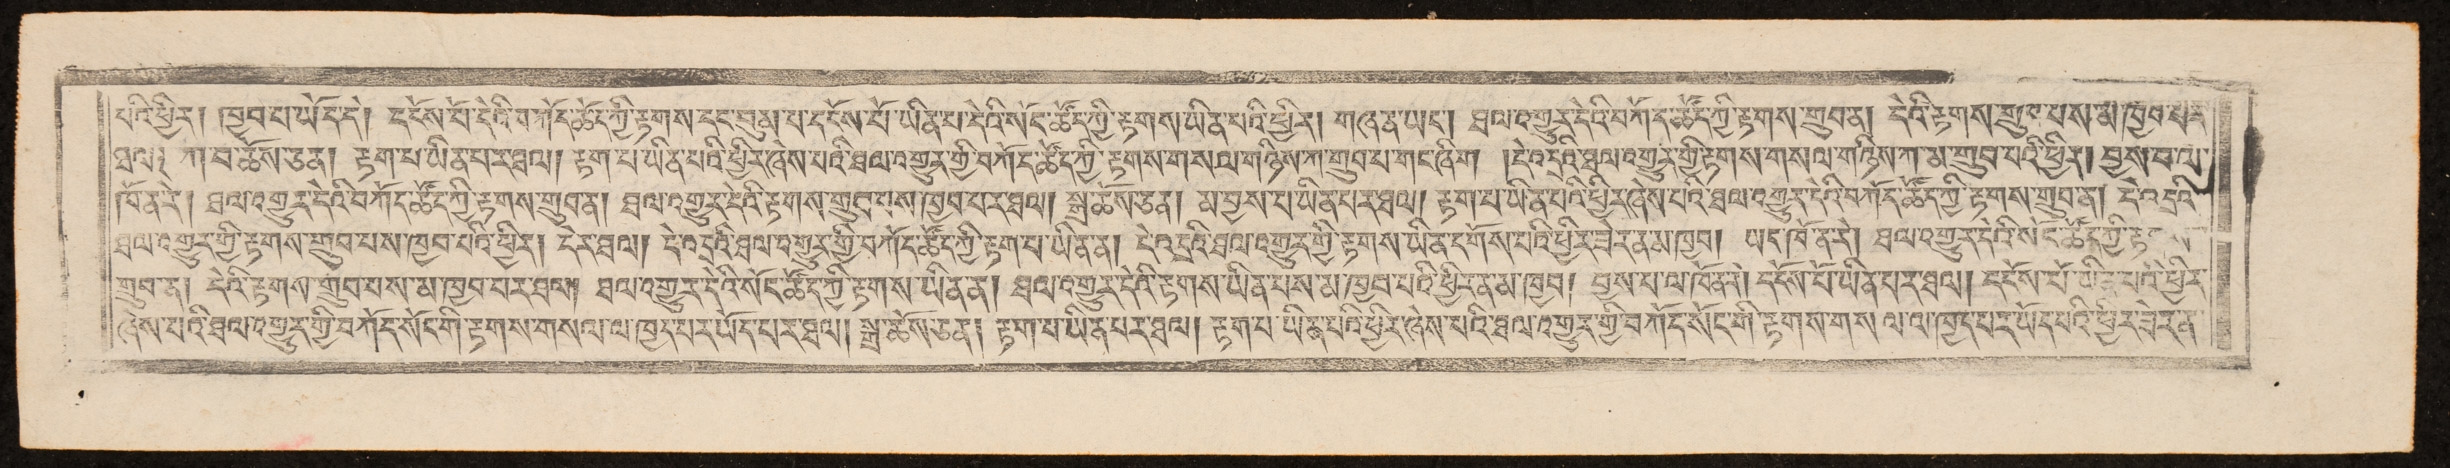པའི་ཕྱིར། ཁྱབ་པ་ཡོད་དེ། དངོས་པོ་དེའི་བཀོད་ཚོད་ཀྱི་རྟགས་དང་བུམ་པ་དངོས་པོ་ཡིན་པ་དེའི་སོང་ཚོད་ཀྱི་རྟགས་ཡིན་པའི་ཕྱིར། གཞན་ཡང་། ཐལ་འགྱུར་དེའི་བཀོད་ཚོད་ཀྱི་རྟགས་གྲུབ་ན། དེའི་རྟགས་གྲུབ་པས་མ་ཁྱབ་པར་
ཐལ། ཀ་བ་ཆོས་ཅན། རྟག་པ་ཡིན་པར་ཐལ། རྟག་པ་ཡིན་པའི་ཕྱིར་ཞེས་པའི་ཐལ་འགྱུར་གྱི་བཀོད་ཚོད་ཀྱི་རྟགས་གསལ་གཉིས་ཀ་གྲུབ་པ་གང་ཞིག །དེ་འདྲའི་ཐལ་འགྱུར་གྱི་རྟགས་གསལ་གཉིས་ཀ་མ་གྲུབ་པའི་ཕྱིར། བྱས་པ་ལ་
ཁོ་ན་རེ། ཐལ་འགྱུར་དེའི་བཀོད་ཚོད་ཀྱི་རྟགས་གྲུབ་ན། ཐལ་འགྱུར་དེའི་རྟགས་གྲུབ་པས་ཁྱབ་པར་ཐལ། སྒྲ་ཆོས་ཅན། མ་བྱས་པ་ཡིན་པར་ཐལ། རྟག་པ་ཡིན་པའི་ཕྱིར་ཞེས་པའི་ཐལ་འགྱུར་དེའི་བཀོད་ཚོད་ཀྱི་རྟགས་གྲུབ་ན། དེ་འདྲའི་
ཐལ་འགྱུར་གྱི་རྟགས་གྲུབ་པས་ཁྱབ་པའི་ཕྱིར། དེར་ཐལ། དེ་འདྲའི་ཐལ་འགྱུར་གྱི་བཀོད་ཚོད་ཀྱི་རྟགས་ཡིན་ན། དེ་འདྲའི་ཐལ་འགྱུར་གྱི་རྟགས་ཡིན་དགོས་པའི་ཕྱིར་ཟེར་ན་མ་ཁྱབ། ཡང་ཁོ་ན་རེ། ཐལ་འགྱུར་དེའི་སོང་ཚོད་ཀྱི་རྟགས་
གྲུབ་ན། དེའི་རྟགས་གྲུབ་པས་མ་ཁྱབ་པར་ཐལ། ཐལ་འགྱུར་དེའི་སོང་ཚོད་ཀྱི་རྟགས་ཡིན་ན། ཐལ་འགྱུར་དེའི་རྟགས་ཡིན་པས་མ་ཁྱབ་པའི་ཕྱིར་ན་མ་ཁྱབ། བྱས་པ་ལ་ཁོ་ན་རེ། དངོས་པོ་ཡིན་པར་ཐལ། དངོས་པོ་ཡིན་པའི་ཕྱིར་
ཞེས་པའི་ཐལ་འགྱུར་གྱི་བཀོད་སོང་གི་རྟགས་གསལ་ལ་ཁྱད་པར་ཡོད་པར་ཐལ། སྒྲ་ཆོས་ཅན། རྟག་པ་ཡིན་པར་ཐལ། རྟག་པ་ཡིན་པའི་ཕྱིར་ཞེས་པའི་ཐལ་འགྱུར་གྱི་བཀོད་སོང་གི་རྟགས་གསལ་ལ་ཁྱད་པར་ཡོད་པའི་ཕྱིར་ཟེར་ན་